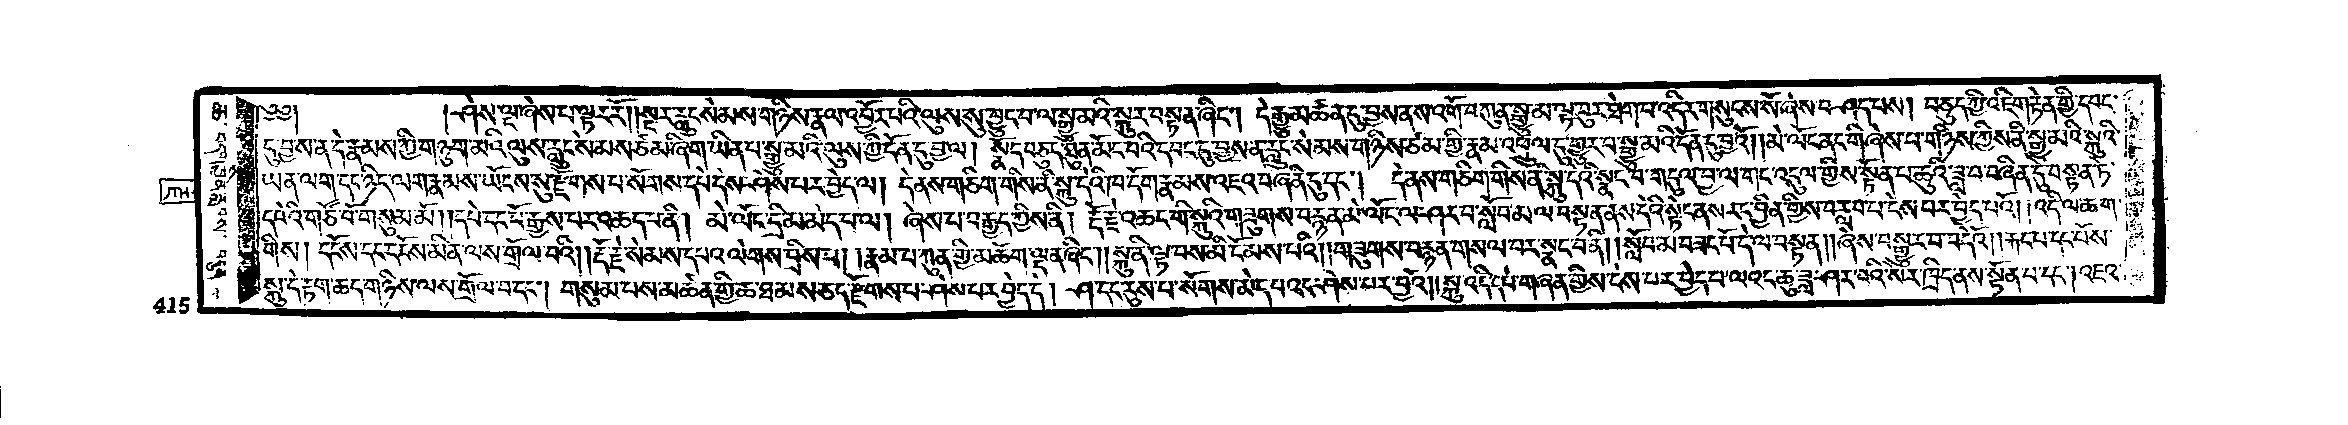༄༅། །ཤེས་ལྔ་ཞེས་པ་ལྟར་རོ། །སྔར་རླུང་སེམས་གཉིས་རྣལ་འབྱོར་པའི་ལུས་སུ་བྱུང་བ་ལ་སྒྱུ་མའི་སྐུར་བསྟན་ཞིང་། དེ་རྒྱུ་མཚན་དུ་བྱས་ནས་འགོ་བ་ཀུན་སྒྱུ་མ་ལྟ་བུར་ཐེག་པ་འདིར་གསུངས་སོ་ཞེས་བཤད་པས། བཅུད་ཀྱི་འཇིག་རྟེན་གྱི་དབང་
དུ་བྱས་ན་དེ་རྣམས་ཀྱི་གཉུག་མའི་ལུས་རླུང་སེམས་ཙམ་ཞིག་ཡིན་པ་སྒྱུ་མའི་ལུས་ཀྱི་དོན་དུ་བྱ་ལ། སྣོད་བཅུད་ཐུན་མོང་བའི་དབང་དུ་བྱས་ན་རླུང་སེམས་གཉིས་ཙམ་གྱི་རྣམ་འཕྲུལ་དུ་གྱུར་པ་སྒྱུ་མའི་དོན་དུ་བྱའོ། །མེ་ལོང་ནང་གི་ཞེས་པ་གཉིས་ཀྱིས་ནི་སྒྱུ་མའི་སྐུའི་
ཡན་ལག་དང་ཉིང་ལག་རྣམས་ཡོངས་སུ་རྫོགས་པ་སོགས་དཔེ་དེས་ཤེས་པར་བྱེད་ལ། དེ་ནས་གཅིག་གིས་ནི་སྐུ་དེའི་ཁ་དོག་རྣམས་འཇའ་བཞིན་དུ་དང་། དེ་ནས་གཅིག་གིས་ནི་སྐུ་དེའི་སྣང་བ་གདུལ་བྱ་ལ་གང་འདུལ་གྱིས་སྟོན་པ་ཆུའི་ཟླ་བ་བཞིན་དུ་བསྟན་ཏེ་
དཔེའི་གཙོ་བོ་གསུམ་མོ། །དཔེ་དང་པོ་རྒྱས་པར་འཆད་པ་ནི། མེ་ལོང་དྲི་མ་མེད་པ་ལ། ཞེས་པ་བརྒྱད་ཀྱིས་ནི། རྡོ་རྗེ་འཆང་གི་སྐུའི་གཟུགས་བརྙན་མེ་ལོང་ལ་ཤར་བ་སློབ་མ་ལ་བསྟན་ནས་དེའི་སྟེང་ནས་རང་བྱིན་གྱིས་བརླབ་པ་ངེས་པར་བྱེད་པའོ། །འདི་ལ་ཆག་
གིས། དངོས་དང་དངོས་མིན་ལས་གྲོལ་བའི། །རྡོ་རྗེ་སེམས་དཔའ་ལེགས་བྲིས་པ། །རྣམ་པ་ཀུན་གྱི་མཆོག་ལྡན་ཞིང་། །སྐུ་ནི་ལྟ་བས་མི་ངོམས་པའི། །གཟུགས་བརྙན་གསལ་བར་སྣང་བ་ནི། །སློབ་མ་བཟང་པོ་དེ་ལ་བསྟན། །ཞེས་བསྒྱུར་བ་བདེའོ། །རྐང་པ་དང་པོས་
སྐུ་དེ་རྟག་ཆད་གཉིས་ལས་གྲོལ་བ་དང་། གསུམ་པས་མཚན་གྱི་ཆ་ཐམས་ཅད་རྫོགས་པ་ཤེས་པར་བྱེད་དེ། ཤ་དང་རུས་པ་སོགས་མེད་པའང་ཤེས་པར་བྱའོ། །སྐུ་འདི་དཔེ་གཞན་གྱིས་ངེས་པར་བྱེད་པ་ལའང་ཆུ་ཟླ་ཤར་བའི་སར་ཁྲིད་ནས་སྟོན་པ་དང་། འཇའ་